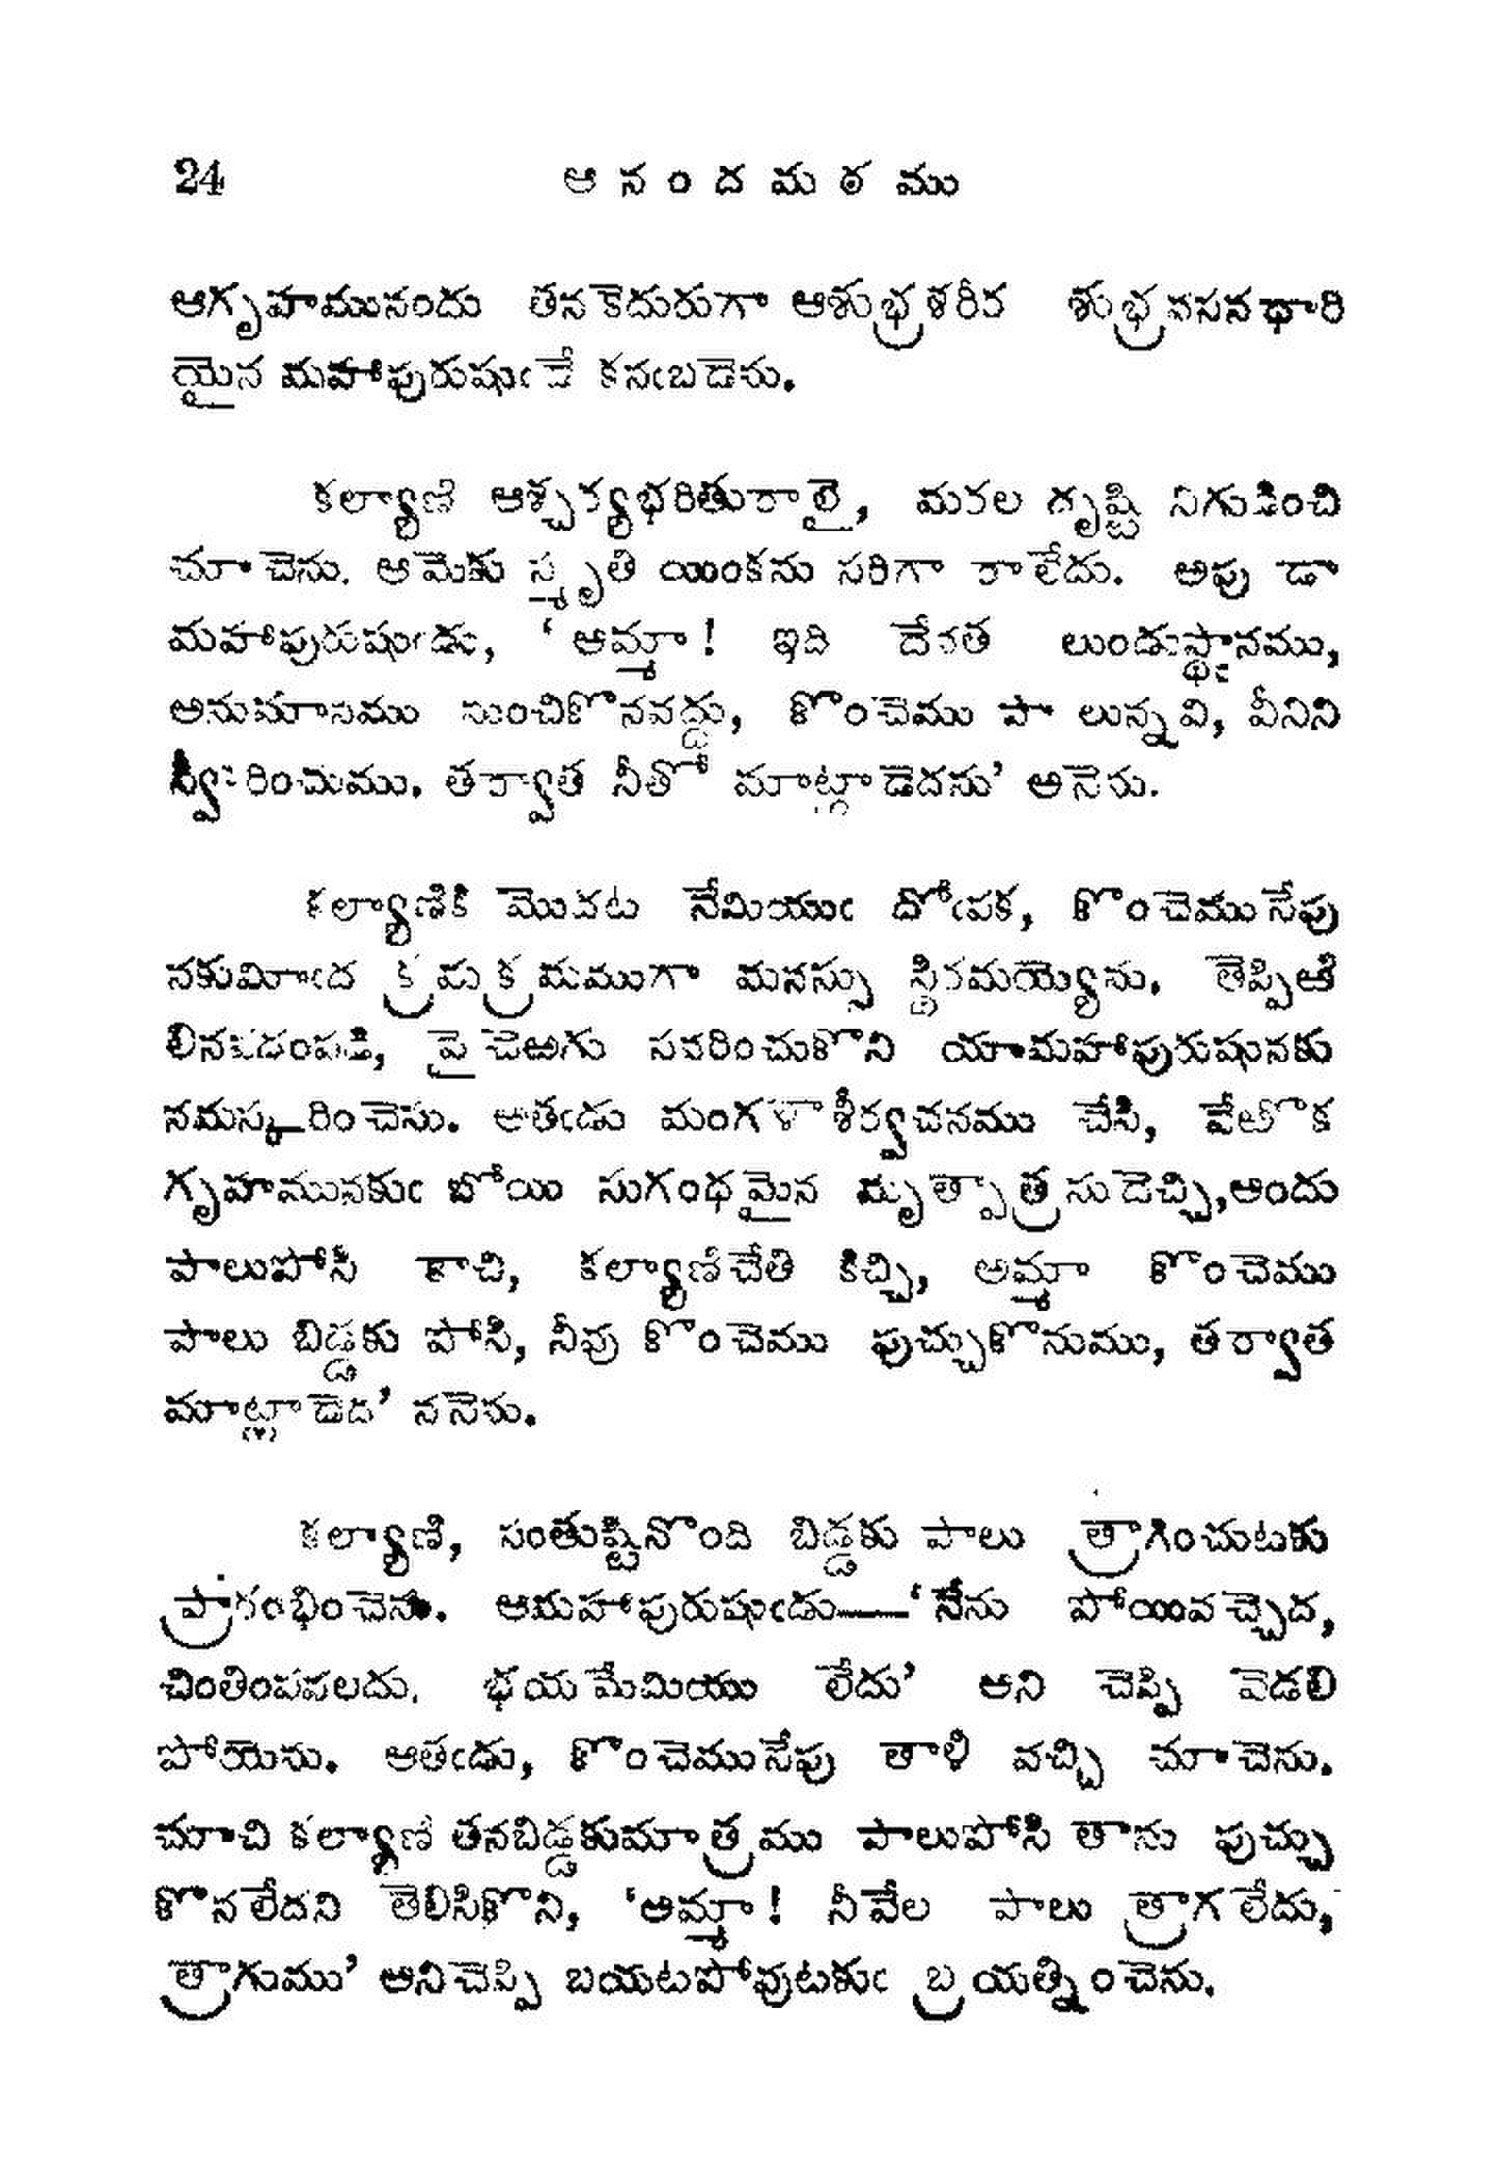ఆగృహమునందు తన కెదురుగా ఆశుభ్ర శరీర శుభ్రవసన ధారి యైన మహాపురుషుఁడే కనఁబడెను.

కల్యాణి ఆశ్చర్యభరితురాలై, మరల దృష్టి నిగుడించి చూచెను. ఆమెకు స్మృతి యింకను సరిగా రాలేదు. అపు 'డా మహాపురుషుడు, 'అమ్మా! ఇది దేవత లుండు స్థానము, అనుమానము నుంచి కొనవద్దు, కొంచెము పాలున్నవి, వీనిని స్వీకరించుము, తర్వాత నీతో మాట్లాడెదను' అనెను.

కల్యాణికి మొదట నేమియుఁ దోఁపక, కొంచెము సేపు నకుమీఁద క్రమక్రమముగా మనస్సు స్థిరమయ్యెను, తెప్పిఱి లినపదంపడి, పై చెఱగు సవరించుకొని యామహాపురుషునకు నమస్కరించెను. అతఁడు మంగళా శీర్వచనము చేసి, వేఱోక గృహమునకుఁ బోయి సుగంధమైన మృత్పాత్రసుదెచ్చి, అందు పాలుపోసి కాచి, కల్యాణిచేతి కిచ్చి, అమ్మా కొంచెము పాలు బిడ్డకు పోసి, నీవు కొంచెము పుచ్చుకొనుము, తర్వాత మాట్లా డెద' ననెను.

కల్యాణి, సంతుష్టినొంది బిడ్డకు పాలు త్రాగించుటకు ప్రారంభించెను. ఆమహా పురుషుడు—— నేను పోయివచ్చెద, చింతింపవలదు. భయ మేమియు లేదు' అని చెప్పి వెడలి పోయెను. ఆతఁడు, కొంచెము సేపు తాళి వచ్చి చూచెను. చూచి కల్యాణి తనబిడ్డకుమాత్రము పాలుపోసి తాను పుచ్చు కొన లేదని తెలిసికొని, 'అమ్మా! నీ వేల పాలు త్రాగ లేదు, త్రాగుము' అని చెప్పి బయటపోవుటకుఁ బ్రయత్నించెను,